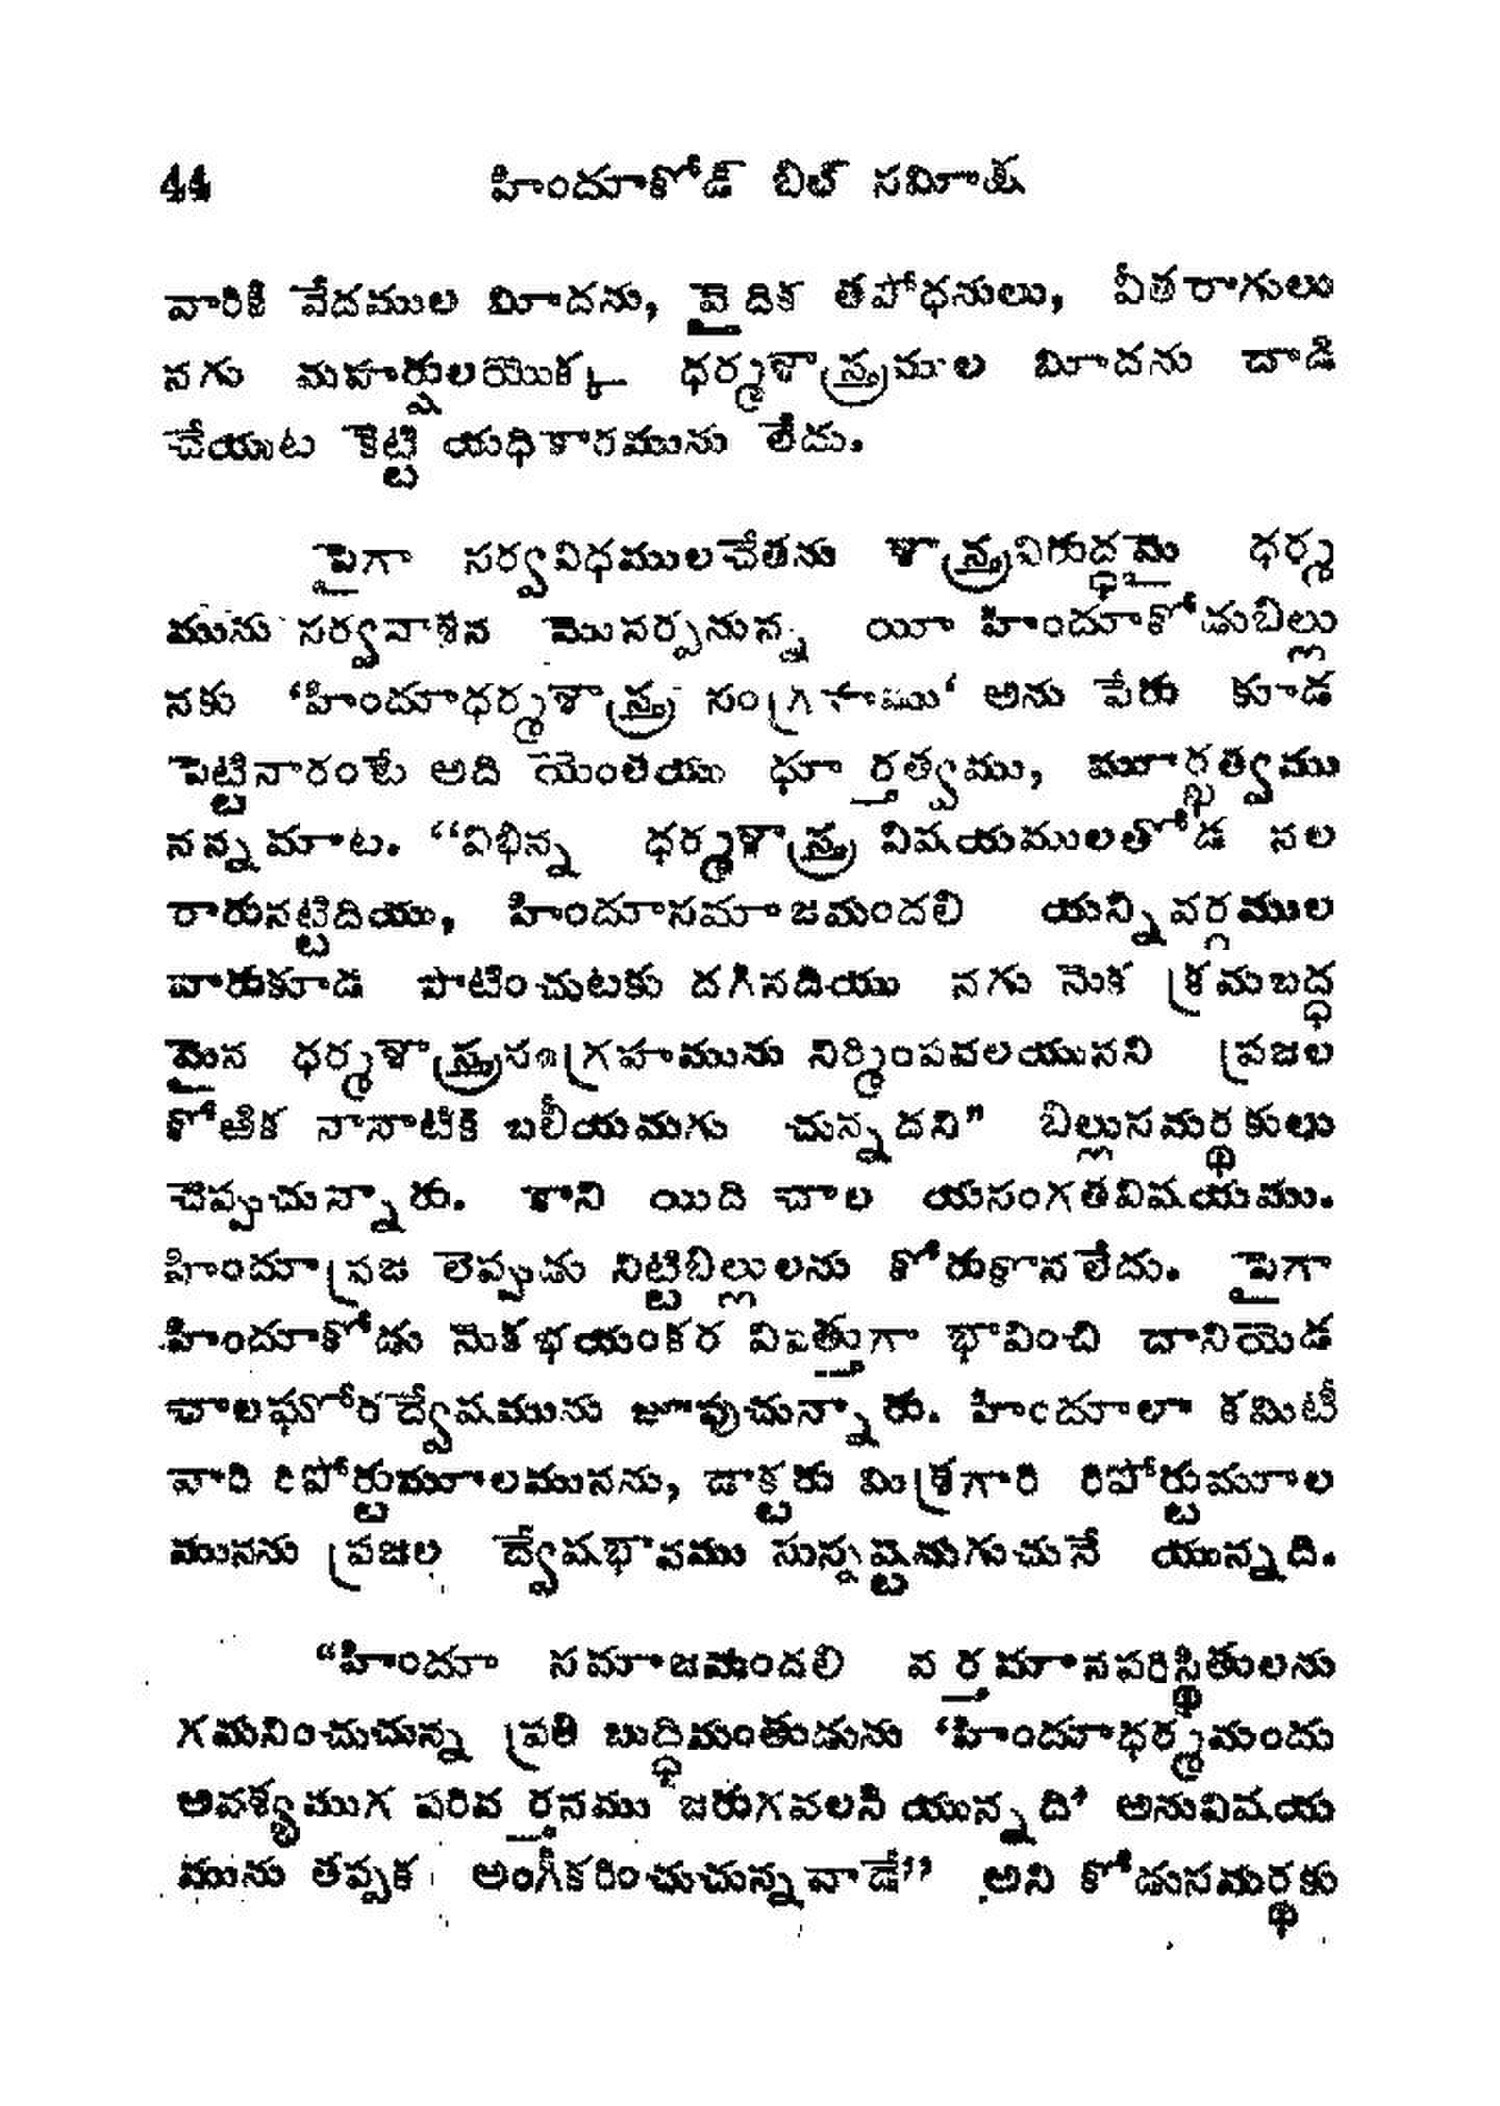వారికి వేదముల మీదను, వైదిక తపోధనులు, వీతరాగులు
నగు మహర్షుల యొక్క ధర్మశాస్త్రముల మీదను దాడి
చేయుట కెట్టి యధికారమును లేదు.

పైగా సర్వవిధముల చేతను శాస్త్ర విరుద్ధమై ధర్మ
మును సర్వవాశన మొనర్పనున్న యీ హిందూకోడుబిల్లు 
నకు 'హిందూధర్మశాస్త్ర సంగ్రహము అను పేరు కూడ
పెట్టినారంటే అది యెంతయు ధూర్తత్వము, మూర్ఖత్వము
నన్నమాట. "విభిన్న ధర్మశాస్త్ర విషయములతోడ నల
రారునట్టిదియు, హిందూసమాజమందలి యన్ని వర్గముల
వారుకూడ పాటించుటకు దగినదియు నగు మెక క్రమబద్ధ
మైన ధర్మశాస్త్రనంగ్రహమును నిర్మింపవలయునని ప్రజల
కోఱిక నానాటికి బలీయమగు చున్నదని" బిల్లుసమర్థకులు
చెప్పుచున్నారు. కాని యిది చాల యసంగతవిషయము.
హిందూ ప్రజ లెప్పుడు నిట్టిబిల్లులను కోరుకొనలేదు. పైగా
హిందూకోడు నొకభయంకర విపత్తుగా భావించి దానియెడ
చాలఘోర ద్వేషమును జూపుచున్నారు. హిందూలా కమిటీ
వారి రిపోర్టుమూలమునను, డాక్టరు మిశ్రగారి రిపోర్టుమూల
మునను ప్రజల ద్వేషభావము సుస్ప ష్టమగుచునే యున్నది.

"హిందూ సమాజమందలి వర్తమాన పరిస్థితులను
గమనించుచున్న ప్రతి బుద్ధిమంతుడును 'హిందూధర్మమందు
అవశ్యముగ పరివర్తనము జరుగవలసి యున్నది. అనువిషయమును 
తప్పక అంగీకరించుచున్న వాడే” అని కోడుసమర్థకు